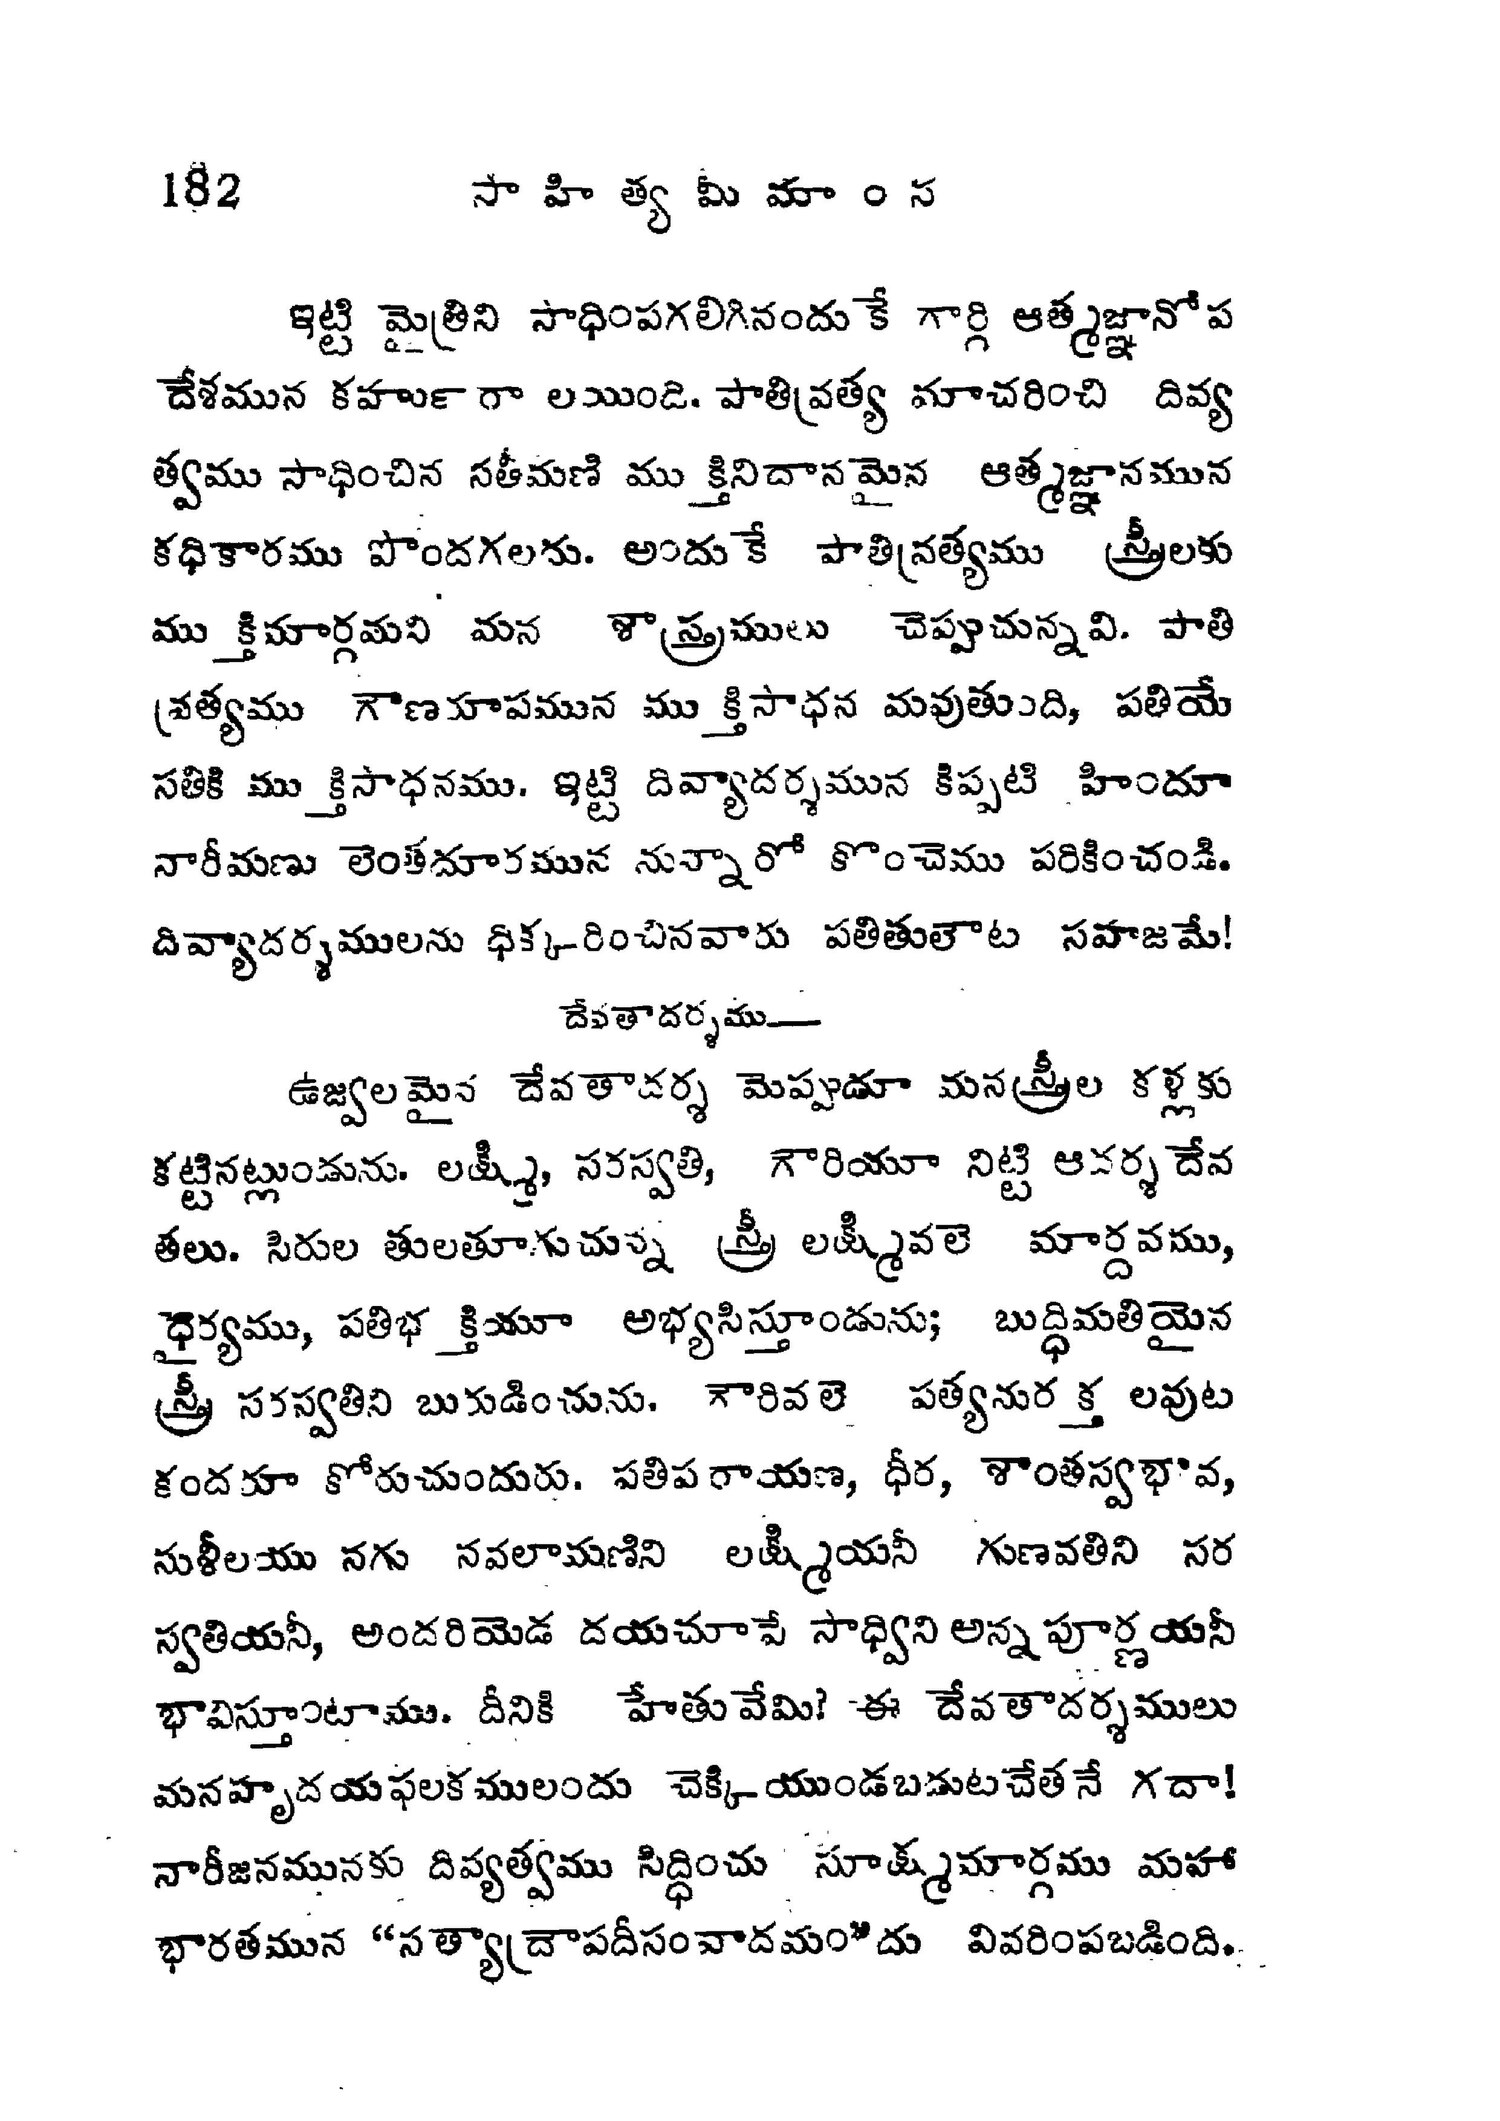ఇట్టి మైత్రిని సాధింపగలిగినందుకే గార్గి ఆత్మజ్ఞానోపదేశమున కహున్‌రా లయింది. పాతివ్రత్య మాచరించి దివ్యత్వము సాధించిన సతీమణి ముక్తినిదానమైన ఆత్మజ్ఞానమున కధికారము పొందగలదు. అందుకే పాతివ్రత్యము స్త్రీలకు ముక్తిమార్గమని మన శాస్త్రములు చెప్పుచున్నవి. పాతివ్రత్యము గౌణరూపమున ముక్తిసాధన మవుతుంది, పతియే సతికి ముక్తిసాధనము. ఇట్టి దివ్యాదర్శనమున కిప్పటి హిందూనారీమణు లెంతదూరమున నున్నారో కొంచెము పరికించండి. దివ్యాదర్శములను ధిక్కరించినవారు పతితులౌట సహజమే!

ఉజ్వలమైన దేవతాదర్శ మెప్పుడూ మనస్త్రీల కళ్లకు కట్టినట్లుండును. లక్ష్మి, సరస్వతి, గౌరియూ నిట్టి ఆదర్శ దేవతలు. సిరుల తులతూగుచున్న స్త్రీ లక్ష్మివలె మార్దవము, ధైర్యము, పతిభక్తియూ అభ్యసిస్తూండును; బుద్ధిమతియైన స్త్రీ సరస్వతిని బురుడించును. గౌరివలె పత్యనురక్త లవుట కందరూ కోరుచుందురు. పతిపరాయణ, ధీర, శాంతస్వభావ సుశీలయు నగు నవలామణిని లక్ష్మియని గుణవతిని సరస్వతియనీ, అందరియెడ దయచూపి సాధ్విని అన్న పూర్ణయనీ భావిస్తూంటాము. దీనికి హేతువేమి? ఈ దేవతాదర్శములు మనహృదయఫలకములందు చెక్కియుండబడుటచేతనే గదా! నారీజనమునకు దివ్యత్వము సిద్ధించు సూక్ష్మమార్గము మహాభారతమున "నత్యాద్రౌపదీసంవాదమం"దు వివరింపబడింది.